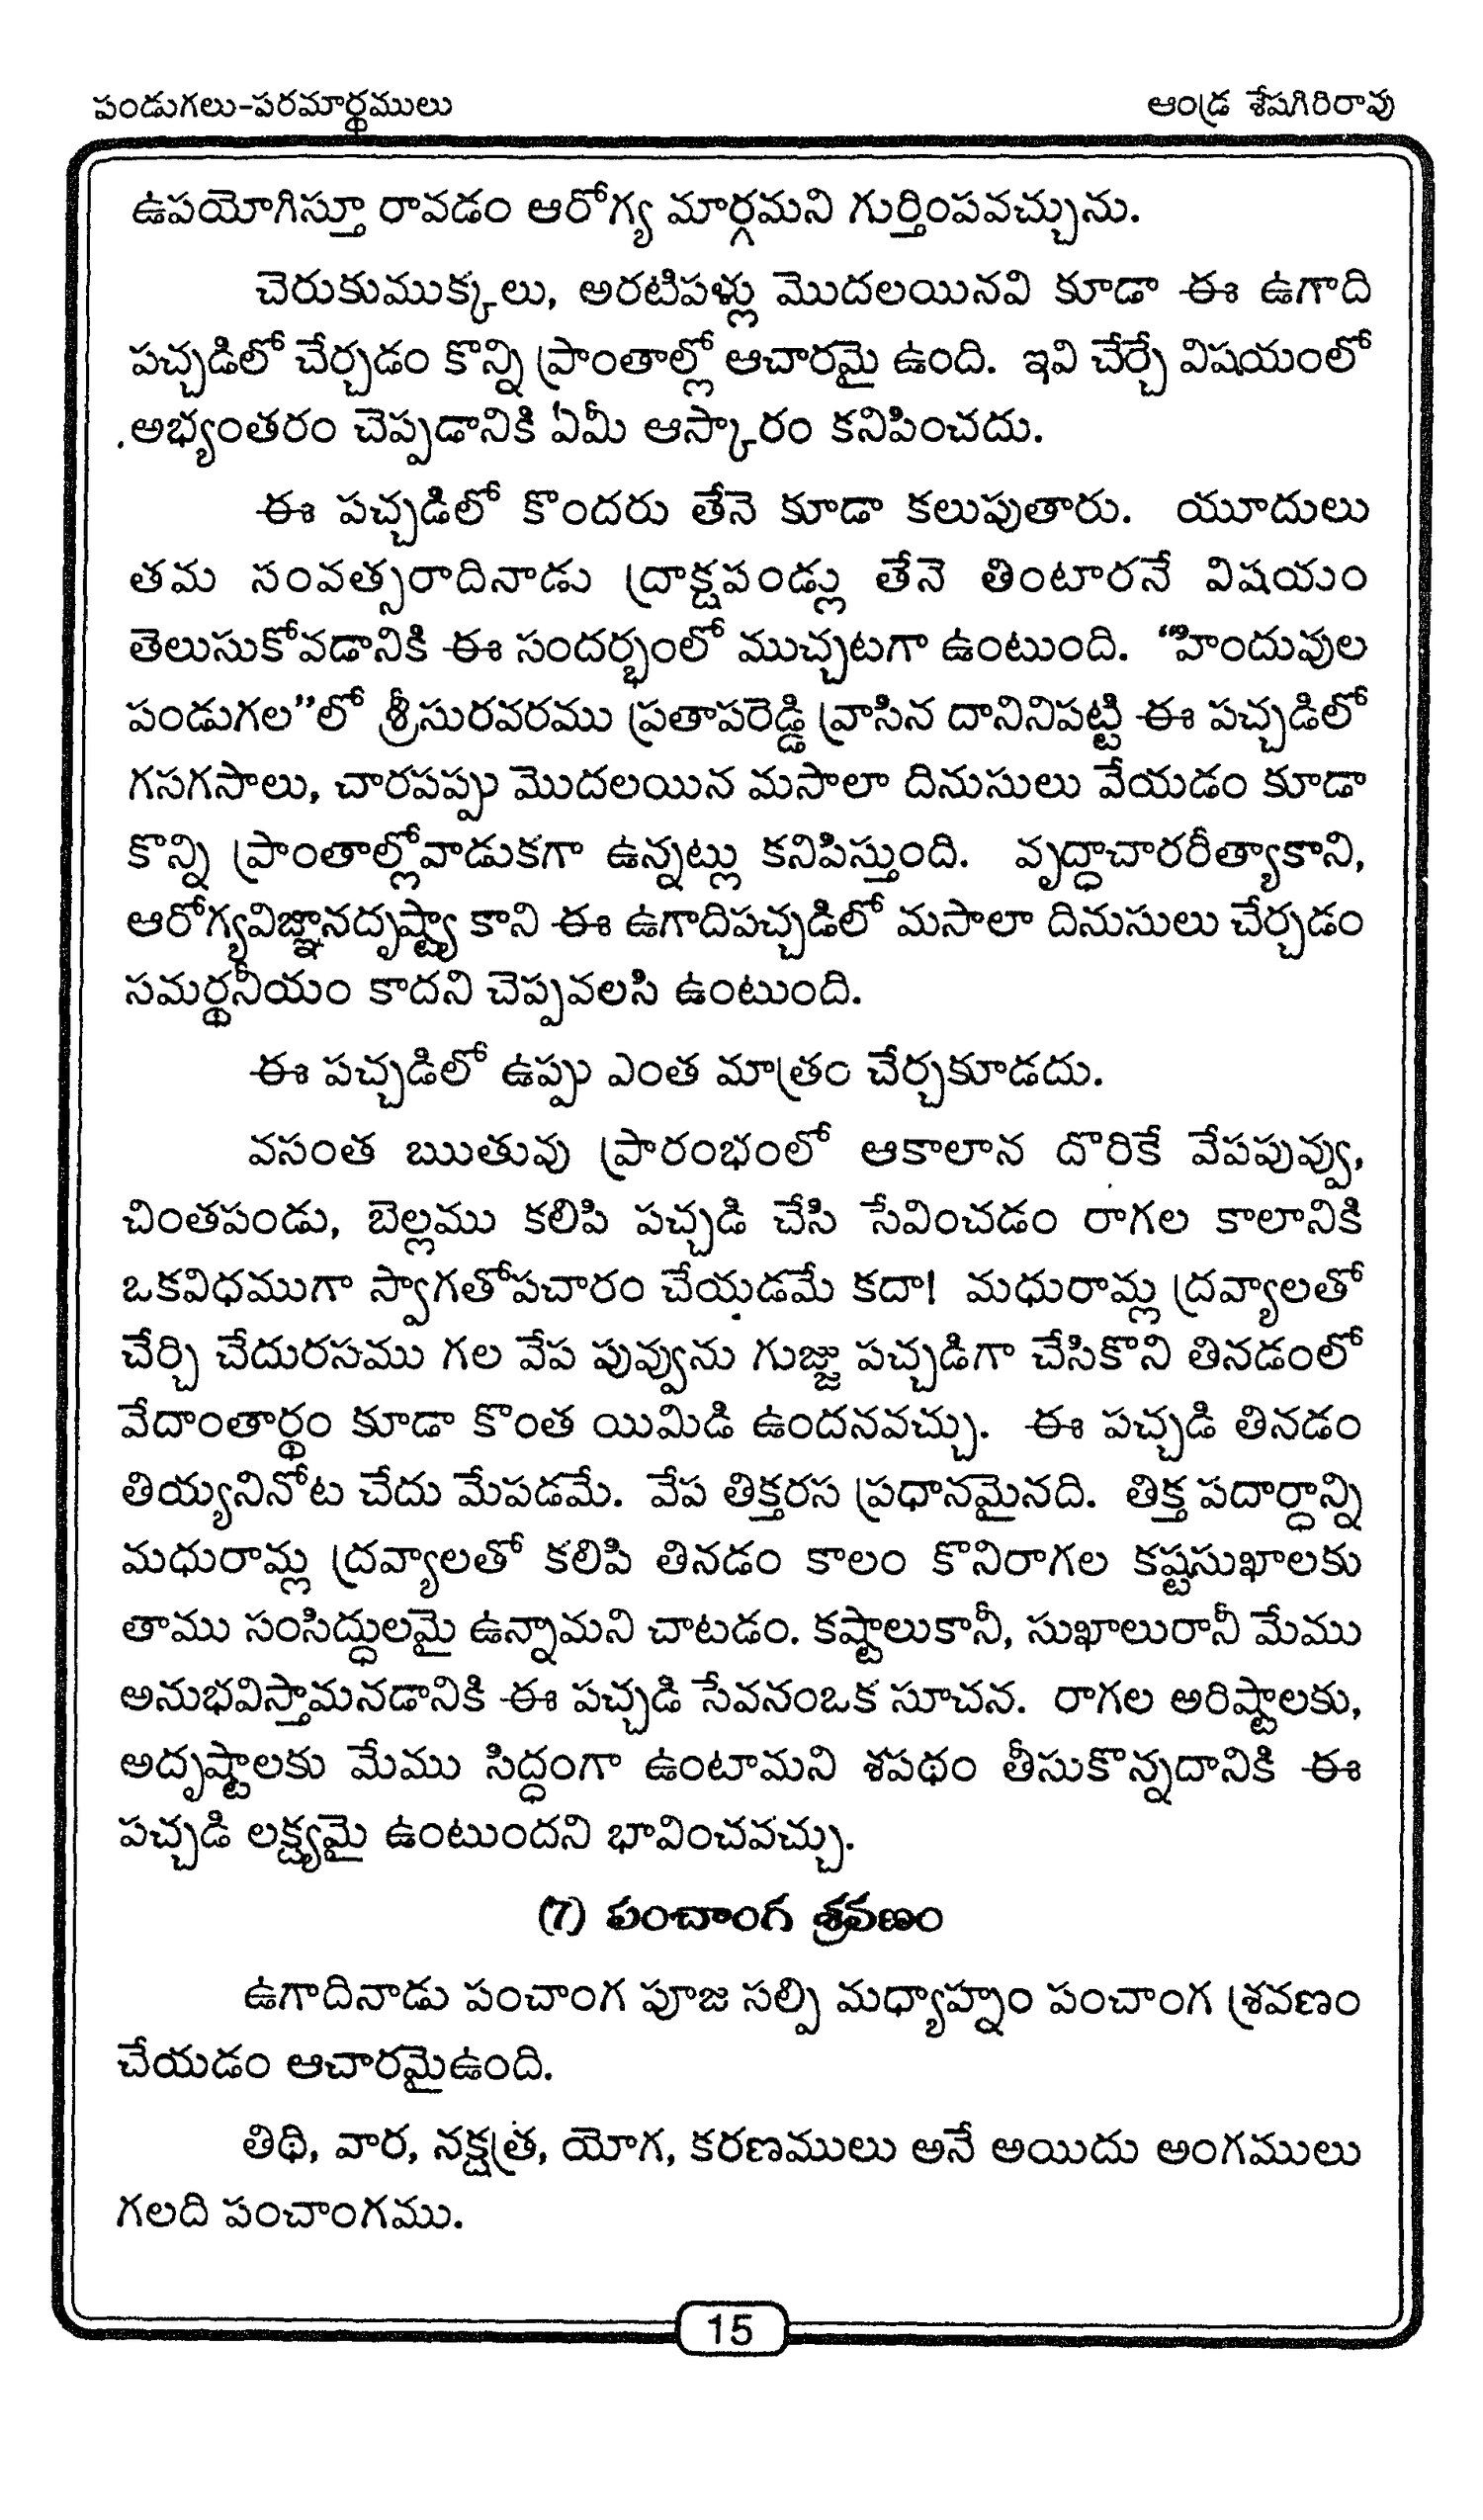ఉపయోగిస్తూ రావడం ఆరోగ్య మార్గమని గుర్తింపవచ్చును.
 చెరుకుముక్కలు, అరటిపళ్లు మొదలయినవి కూడా ఈ ఉగాది పచ్చడిలో చేర్చడం కొన్ని ప్రాంతాల్లో ఆచారమై ఉంది. ఇవి చెర్చే విషయంలో అభ్యంతరం చెప్పడానికి ఏమీ ఆస్కారం కనిపించదు.
 ఈ పచ్చడిలో కొందరు తేనె కూడా కలుపుతారు. యూదులు తమ సంవత్సరాదినాడు ద్రాక్షపండ్లు తేనె తింటారనే విషయం తెలుసుకోవడానికి ఈ సందర్భంలో ముచ్చటగా ఉంటుంది. "హిందువుల పండుగల"లో శ్రీసురవరము ప్రతాపరెడ్డి వ్రాసిన దానినిబట్టి ఈ పచ్చడిలో గసగసాలు, చారపప్పు మొదలయిన మసాలా దినుసులు వేయడం కూడా కొన్ని ప్రాంతాల్లోవాడుకగా ఉన్నట్లు కనిపిస్తుంది. వృద్దాచారరీత్యాకాని, ఆరోగ్యవిజ్ఞానదృష్ట్యా కాని ఈ ఉగాదిపఛ్ఛడిలో మసాలా దినుసులు చేర్చడం సమర్ధనీయం కాదని చెప్పవలసి ఉంటుంది.
 ఈ పచ్చడిలో ఉప్పు ఎంత మాత్రం చేర్చకూడరు.
 వసంత ఋతువు ప్రారంభంలో ఆకాలాన దొరికే వేపపువ్వు, చింతపండు, బెల్లము కలిపి పచ్చడి చేసి సేవించడం రాగల కాలానికి ఒకవిధముగా స్వాగతోపచారం చేయడమే కదా! మధురామ్ల ద్రవ్యాలతో చేర్చి చేదురసము గల వేప పువ్వును గుజ్జు పచ్చడిగా చేసికొని తినడంలో వేదాంతార్ధం కూడా కొంత యిమిడి ఉండవచ్చు. ఈ పచ్చడి తినడం తియ్యనినోటృఅ చేదు మేపడమే, వేప తిక్తరస ప్రధానమైనది. తిక్తపదార్ధాన్ని మధురామ్ల ద్రవ్యాలతో కలిపి తినడం కాలం కొనిరాగల కష్టసుఖాలకు తాము సంసిద్దులమై ఉన్నామని చాటడం, కష్టాలుకానీ, సుఖాలుకానీ మేము అనుభవిస్తామనడానికి ఈ పచ్చడి సేవనం ఒక సూచన. రాగల అరిష్టాలకు, అదృష్టాలకు మేము సిద్ధంగా ఉంటామని శపధం తీసుకొన్నదానికి ఈ పచ్చడి లక్ష్యమై ఉంటుందని బావించవచ్చు.
 (7) పంచాంగ శ్రవణం
 ఉగాదినాడు పంచాంగ పూజ సల్పి మధ్యాహ్నం పంచాంగ శ్రవణం చేయడం ఆచారమైఉంది.

 తిధి, వార, నక్షత్ర, యోగ, కరణములు అనే అయిదు అంగములు గలది పంచాంగము.